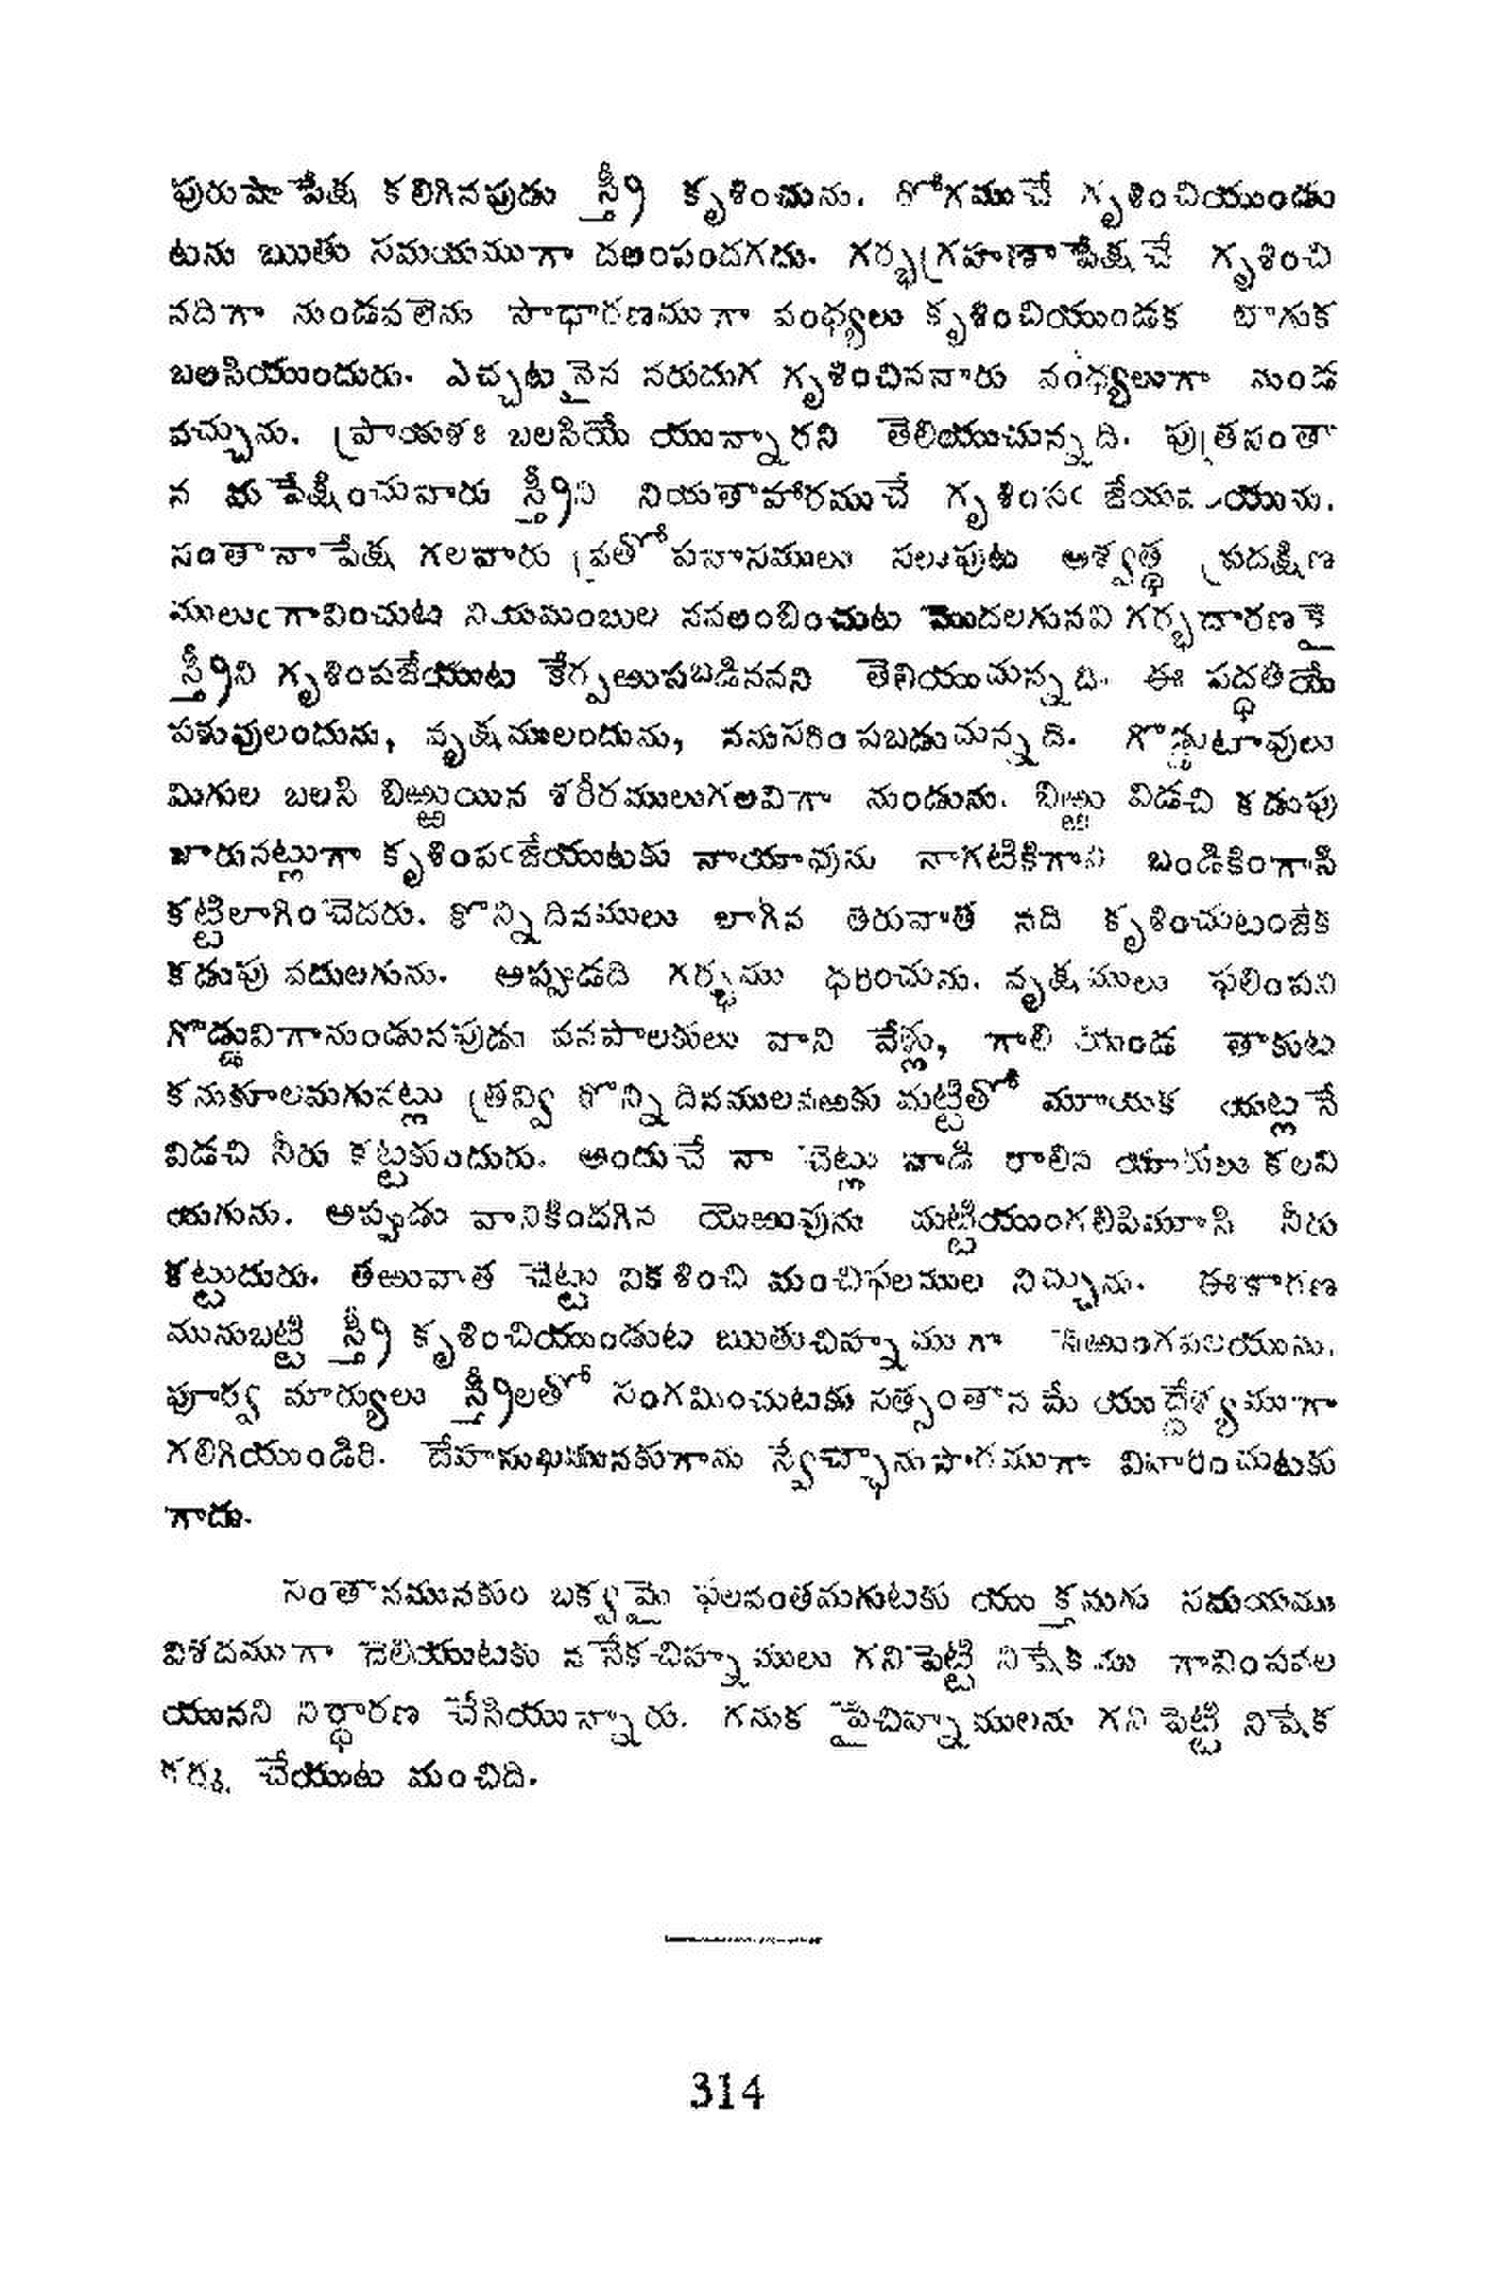పురుషాపేక్ష కలిగినపుడు స్త్రీ కృశించును. రోగముచే గృశించియుండుటను ఋతు సమయముగా దలంపదగును. గర్భగ్రహణాపేక్షచే గృశించినదిగా నుండవలెను. సాధారణముగా సంధ్యలు కృశించియుండక బాగుగ బలసియుందురు. ఎచ్చటనైన నరుదుగ గృశించినవారు సంధ్యలుగా నుండవచ్చును. ప్ర్రాయశ:బలసియే యున్నారని తెలియుచున్నది. పుత్రసంతాన మపేక్షించువారు స్త్రీని నియతాహారముచే గృశింప జేయవలయును సంతానాపేక్ష గలవారు వ్రతోపవాసములు సలుపుట అశ్వత్ధ ప్రదక్షిణములు గావించుట నియ్హమంబుల నవలంబించుట మొదలగునవి గర్భ దారణకై స్త్రీని గృశింపజేయుట కేర్పఱుపబడినవని తెలియు చున్నది. ఈ పద్దతియే పశువులందును, వృక్షములందును, ననుసరింపబడుచున్నది. గొడ్డుటావులు మిగుల బలసి బిఱ్ఱు యిన శరీరములుగలవిగా నుండును. బిఱ్ఱు విడచి కడుపు జారునట్లుగా కృశింపజేనాయావును నాగటికిగాని బండికిగాని కట్టిలాగించెదరు. కొన్నిదినములు లాగిన తరువాత నది కృశించుటంజేసి కడుపు వదులగును. అప్పుడది గర్భము ధరించున్. వృక్షములు ఫలింపని గొడ్దుగా నుండునపుడు వనపాలకులు వాని వేర్లు, గాలియుండ తాకుట కనుకూలమగునట్లు త్రవ్వి కొన్నిదినములవఱకు మట్టితో మూయక యట్లనే విడచి నీరు కట్టకుందురు. అందుచే నా చెట్లు వాడి రాలిన యాకులు కలవియగును. అప్పుడు వానికిందగిన యెఱువున్ మట్టియుంగలిపిమూసి నీరు కట్టుదురు. తఱువాత చెట్టు వికశించి మంచిఫలముల నిచ్చును. ఈకారణమునుబట్టి స్త్రీ కృశించియుండుట ఋతుచిహ్నముగా నెఱుంగననియును పూర్వ మార్యులు స్త్రీలతో సంగమించుటకు సత్సంతానమే యుద్దేశ్యముగా గలిగియుండిరి. దేహసుఖమునకుగాను స్వేచ్చానుసారముగా విహరించుటకు గాదు.

 సంతానమునకుం బక్వమై ఫలవంతమగుటకు యుక్తమగు సమయము విశదముగా దెలియుటకు ననేకచిహ్నములు గనిపెట్టి నిషేకము గావింపవలయునని నిర్ధారణ చేసియున్నారు. గనుక పైచిహ్నములను గనిపెట్టి నిషేక కర్మ చేయుట మంచిది.
 -------